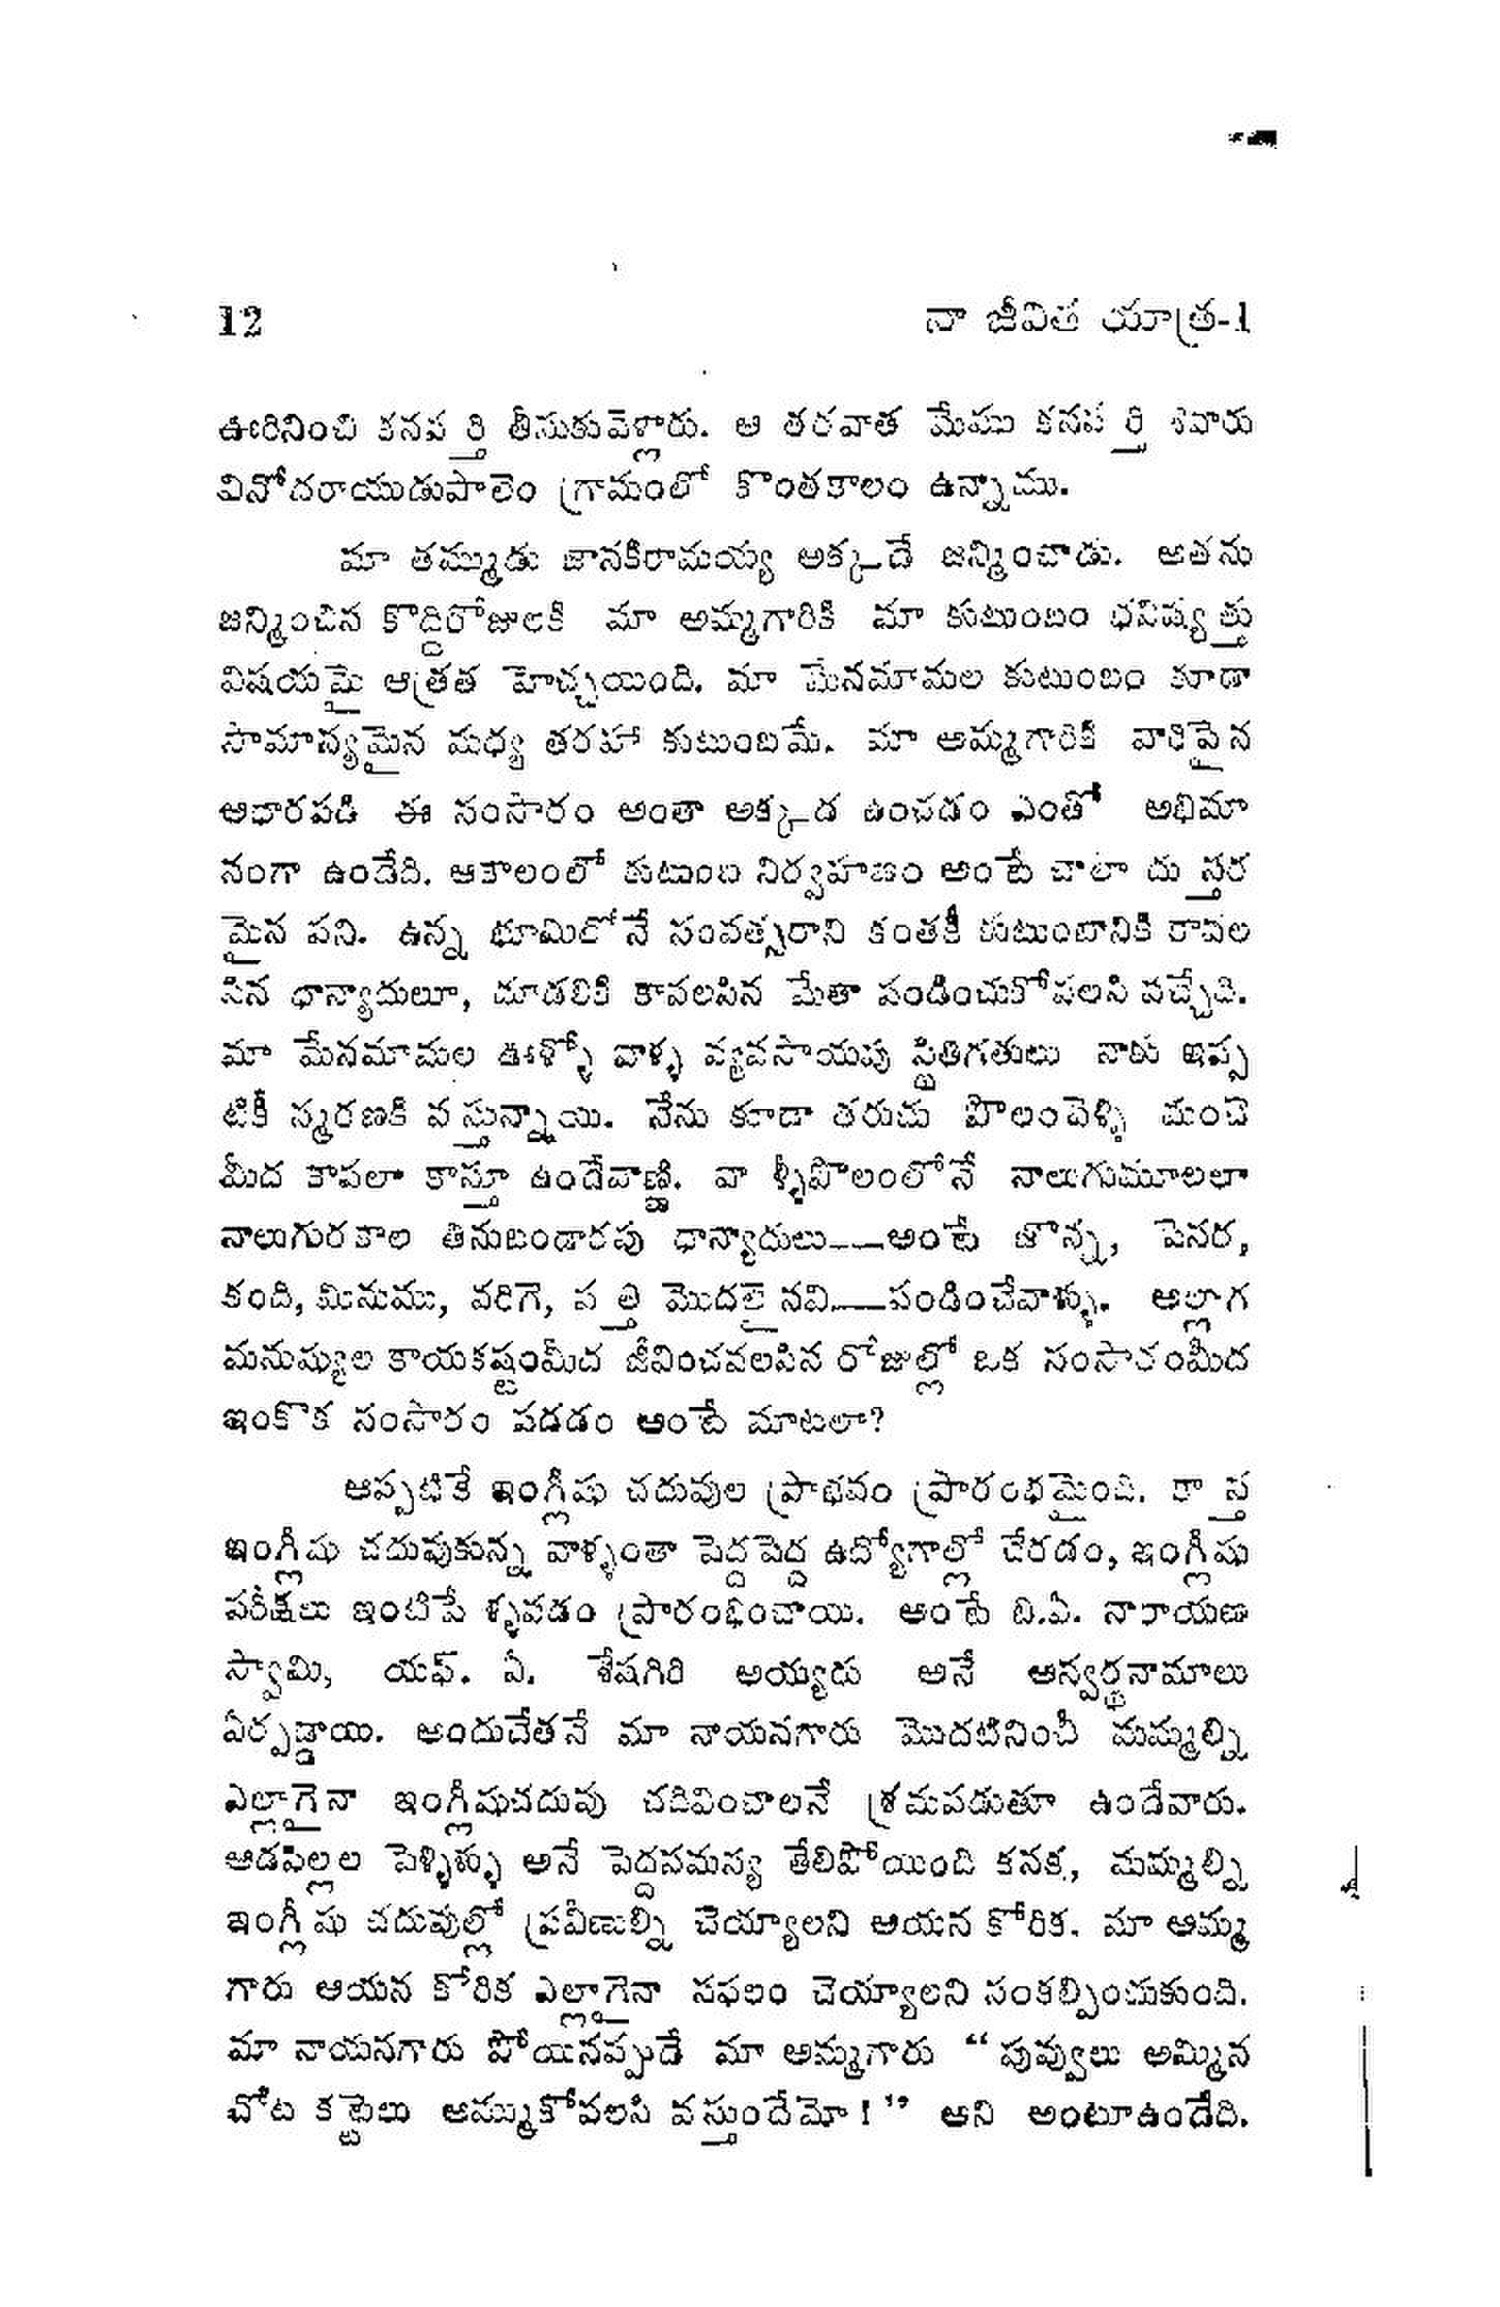ఊరినించి కనపర్తి తీసుకువెళ్ళారు. ఆ తరవాత మేము కనపర్తి శివారు వినోదరాయడుపాలెం గ్రామంలో కొంతకాలం ఉన్నాము.

మా తమ్ముడు జానకిరామయ్య అక్కడే జన్మించాడు. అతను జన్మించిన కొద్దిరోజులకి మా అమ్మగారికి మా కుటుంబం భవిష్యత్తు విషయమై ఆత్రత హెచ్చయింది. మా మేనమామల కుటుంబం కూడా సామాన్యమైన మధ్య తరహా కుటుంబమే. మా అమ్మగారికి వారిపైన ఆధారపడి ఈ సంసారం అంతా అక్కడ ఉంచడం ఎంతో అభిమానంగా ఉండేది. ఆ కాలంలో కుటుంబ నిర్వహణం అంటే చాలా దుస్తరమైన పని. ఉన్న భూమిలోనే సంవత్సరాని కంతకీ కుటుంబానికి కావలసిన ధాన్యాదులూ, దూడలికి కావలిసిన మేతా పండించుకోవలసి వచ్చేది. మా మేనమామల ఊళ్ళోవాళ్ళ స్థితిగతులు నాకు ఇప్పటికీ స్మరణకి వస్తున్నాయి. నేను కూడా తరచు పొలం వెళ్ళి మంచె మీద కాపలా కాస్తూ ఉండేవాణ్ణి. వాళ్ళీ పొలంలోనే నాలుగు మూలలా నాలుగు రకాల తినుబండారపు ధాన్యాదులు -- అంటే జొన్న, పెసర, కంది, మినుము, పరిగె, పత్తి మొదలైనవి -- పండించేవాళ్ళు. అల్లాగ మనుష్యుల కాయకష్టంమీద జీవించవలసిన రోజుల్లో ఒక సంసారంమీద ఇంకొక సంసారం పడడం అంటే మాటలా?

అప్పటికే ఇంగ్లీషు చదువుల ప్రాభవం ప్రారంభమైంది. కాస్త ఇంగ్లీషు చదువుకున్న వాళ్ళంతా పెద్ద పెద్ద ఉద్యోగాల్లో చేరడం, ఇంగ్లీషు పరీక్షలు ఇంటి పేళ్ళవడం ప్రారంభించాయి. అంటే బి.ఏ నారాయణస్వామి, యఫ్.ఏ శేషగిరి అయ్యారు అన్వర్థ నామాలు ఏర్పడ్డాయి. అందుచేతనే మా నాయనగారు మొదటినుంచీ మమ్మల్ని ఎల్లాగైనా ఇంగ్లీషు చదువు చదివించాలనే శ్రమపడుతూ ఉండేవారు. ఆడపిల్లల పెళ్ళిళ్ళు అనే పెద్ద సమస్య తేలిపోయింది కనక, మమ్మల్ని ఇంగ్లీషు చదువుల్లో ప్రవీణుల్ని చెయ్యాలని ఆయన కోరిక. మా అమ్మగారు ఆయన కోరిక ఎల్లాగైనా సఫలం చెయ్యాలని సంకల్పించుకుంది. మా నాయనగారు పోయినప్పుడే మా అమ్మగారు "పువ్వులు అమ్మిన చోట కట్టెలు అమ్ముకోవలసి వస్తుందేమో!" అని అంటూఉండేది.